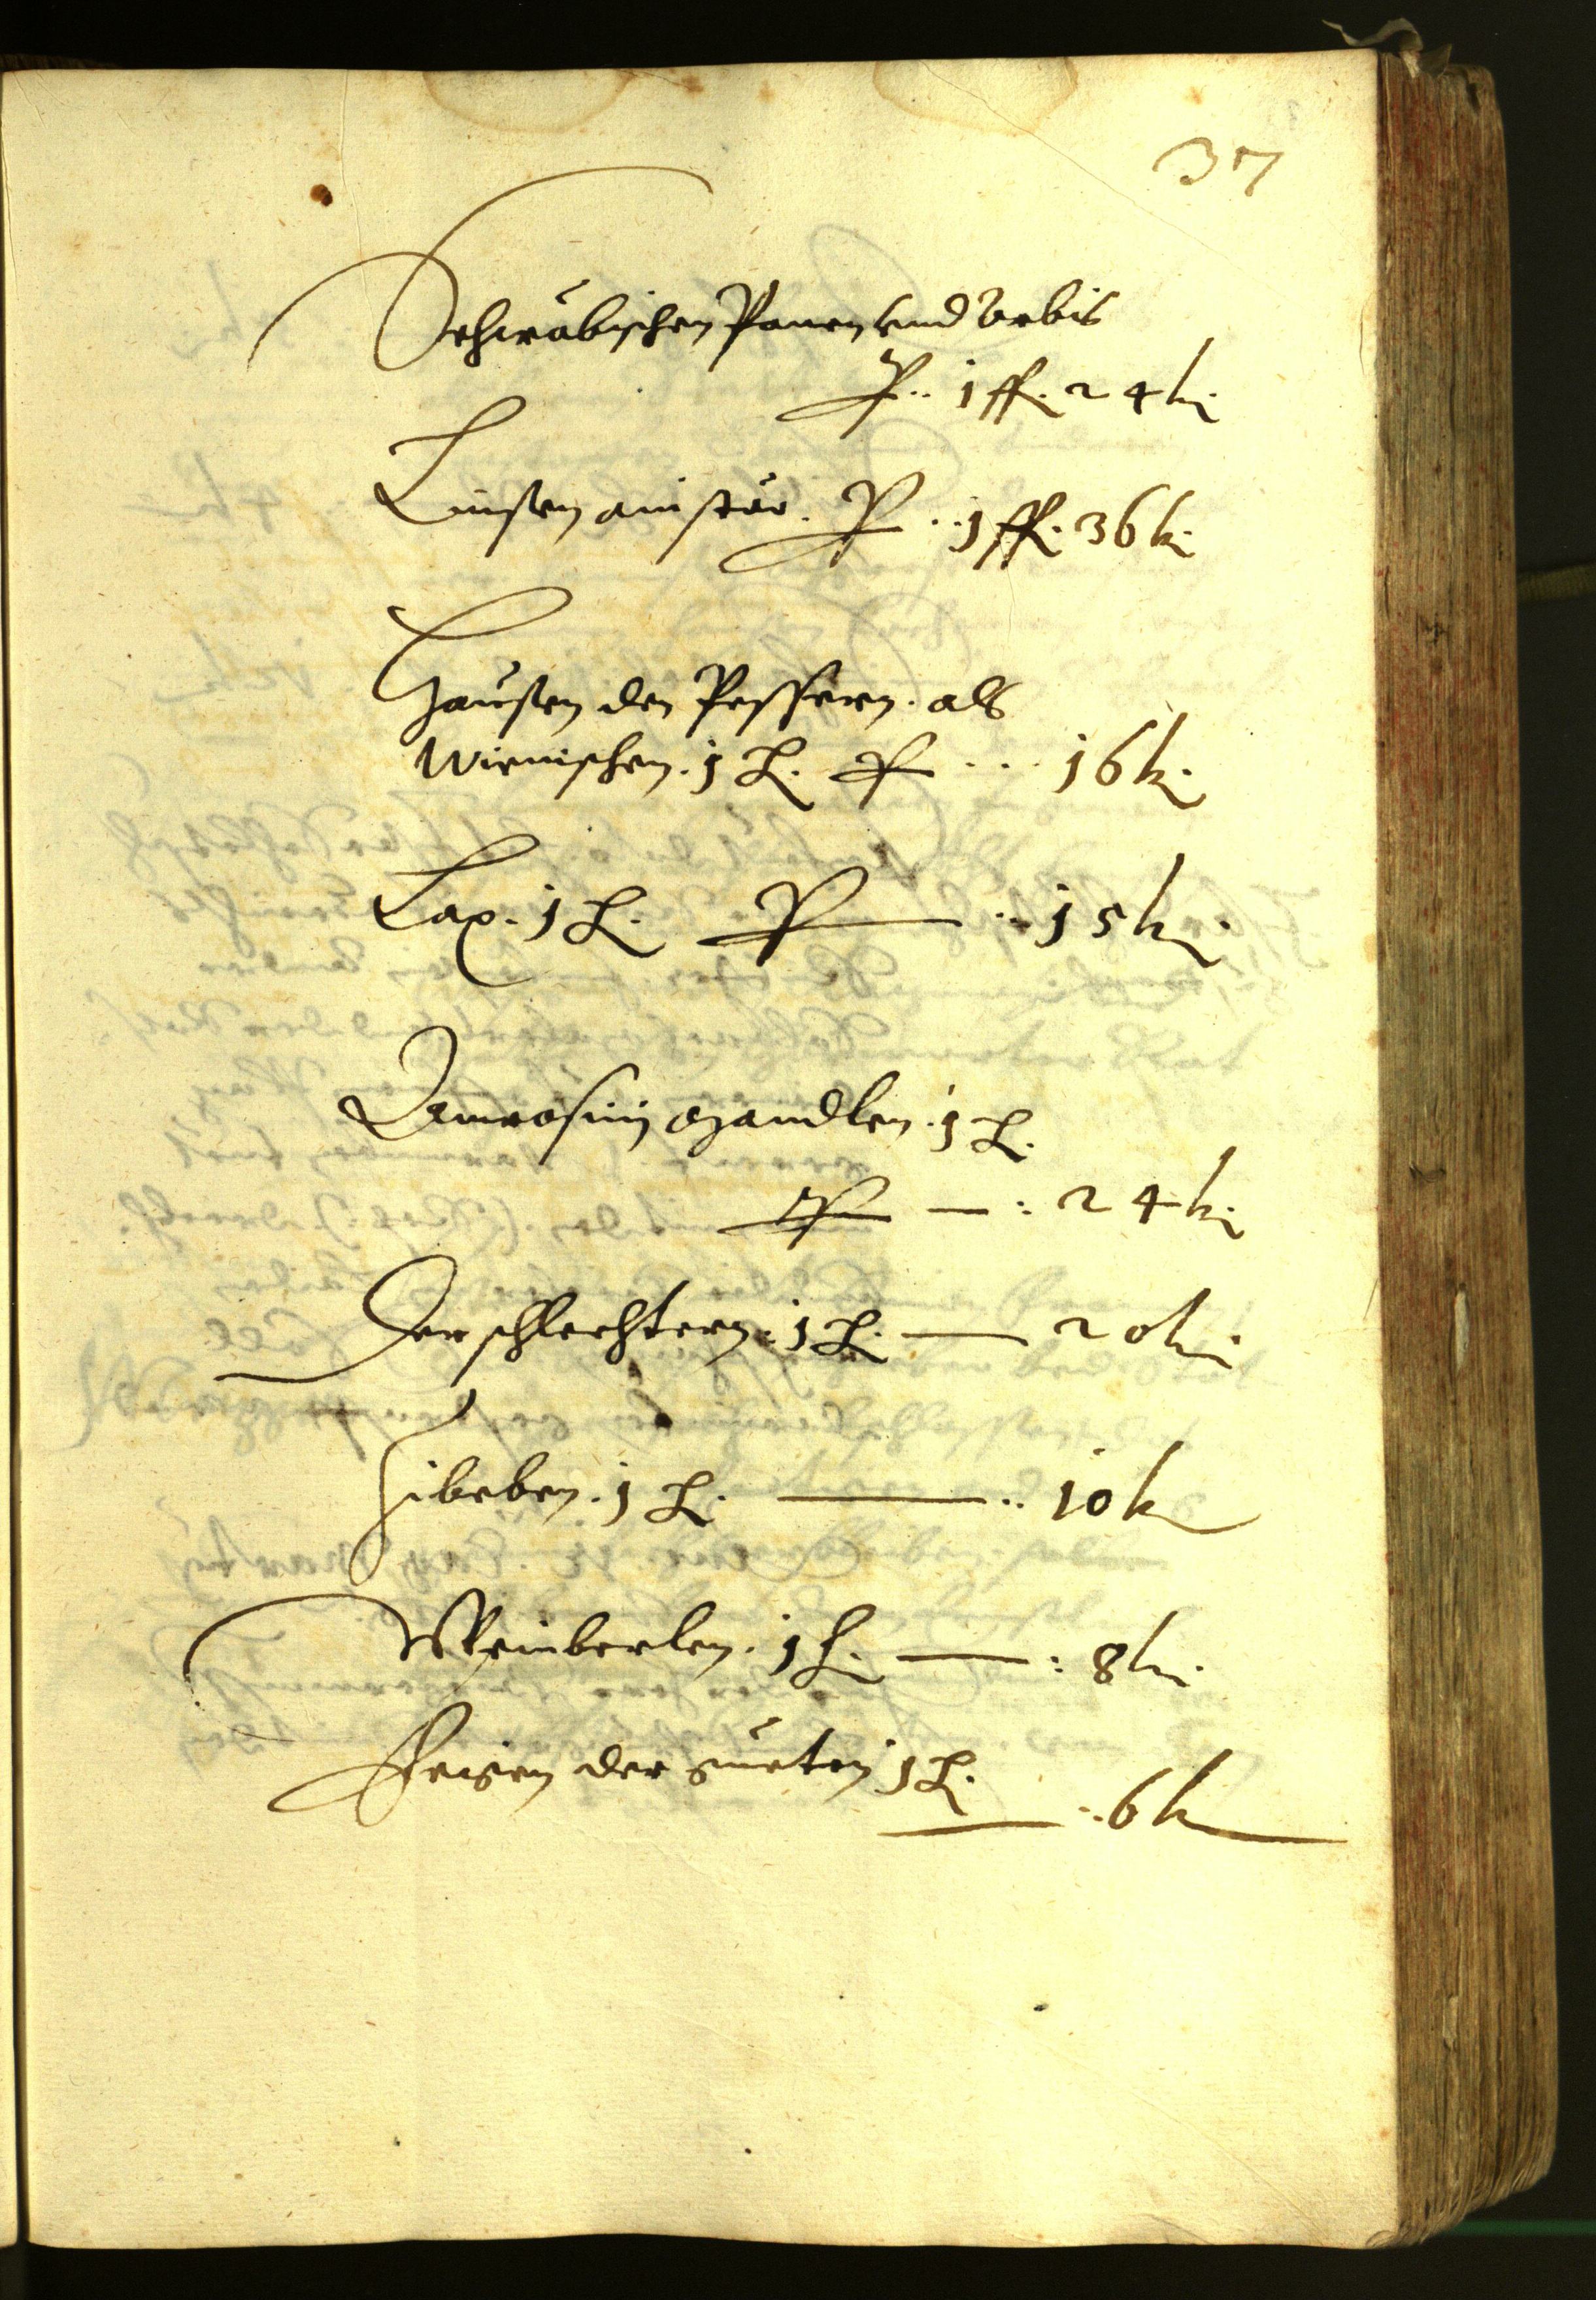37
Schwābischen Ponen vnd Arbis
P: 1 fl. 24 k.
Linsen ain stär. P: 1 fl. 36 k.
Haūsten den Pessern. als
Wienischen. 1 L. P: 16 k.
Lax. 1 L. P: 15 k.
Amrosini Mandlen. 1 L.
P —: 24 k.
Der schlechtern: 1 L. — 20 k.
Zibeben. 1 L. —: 10 k.
Weinberlen. 1 L. —: 8 k.
Feigen der gūeten 1 L. —: 6 k.